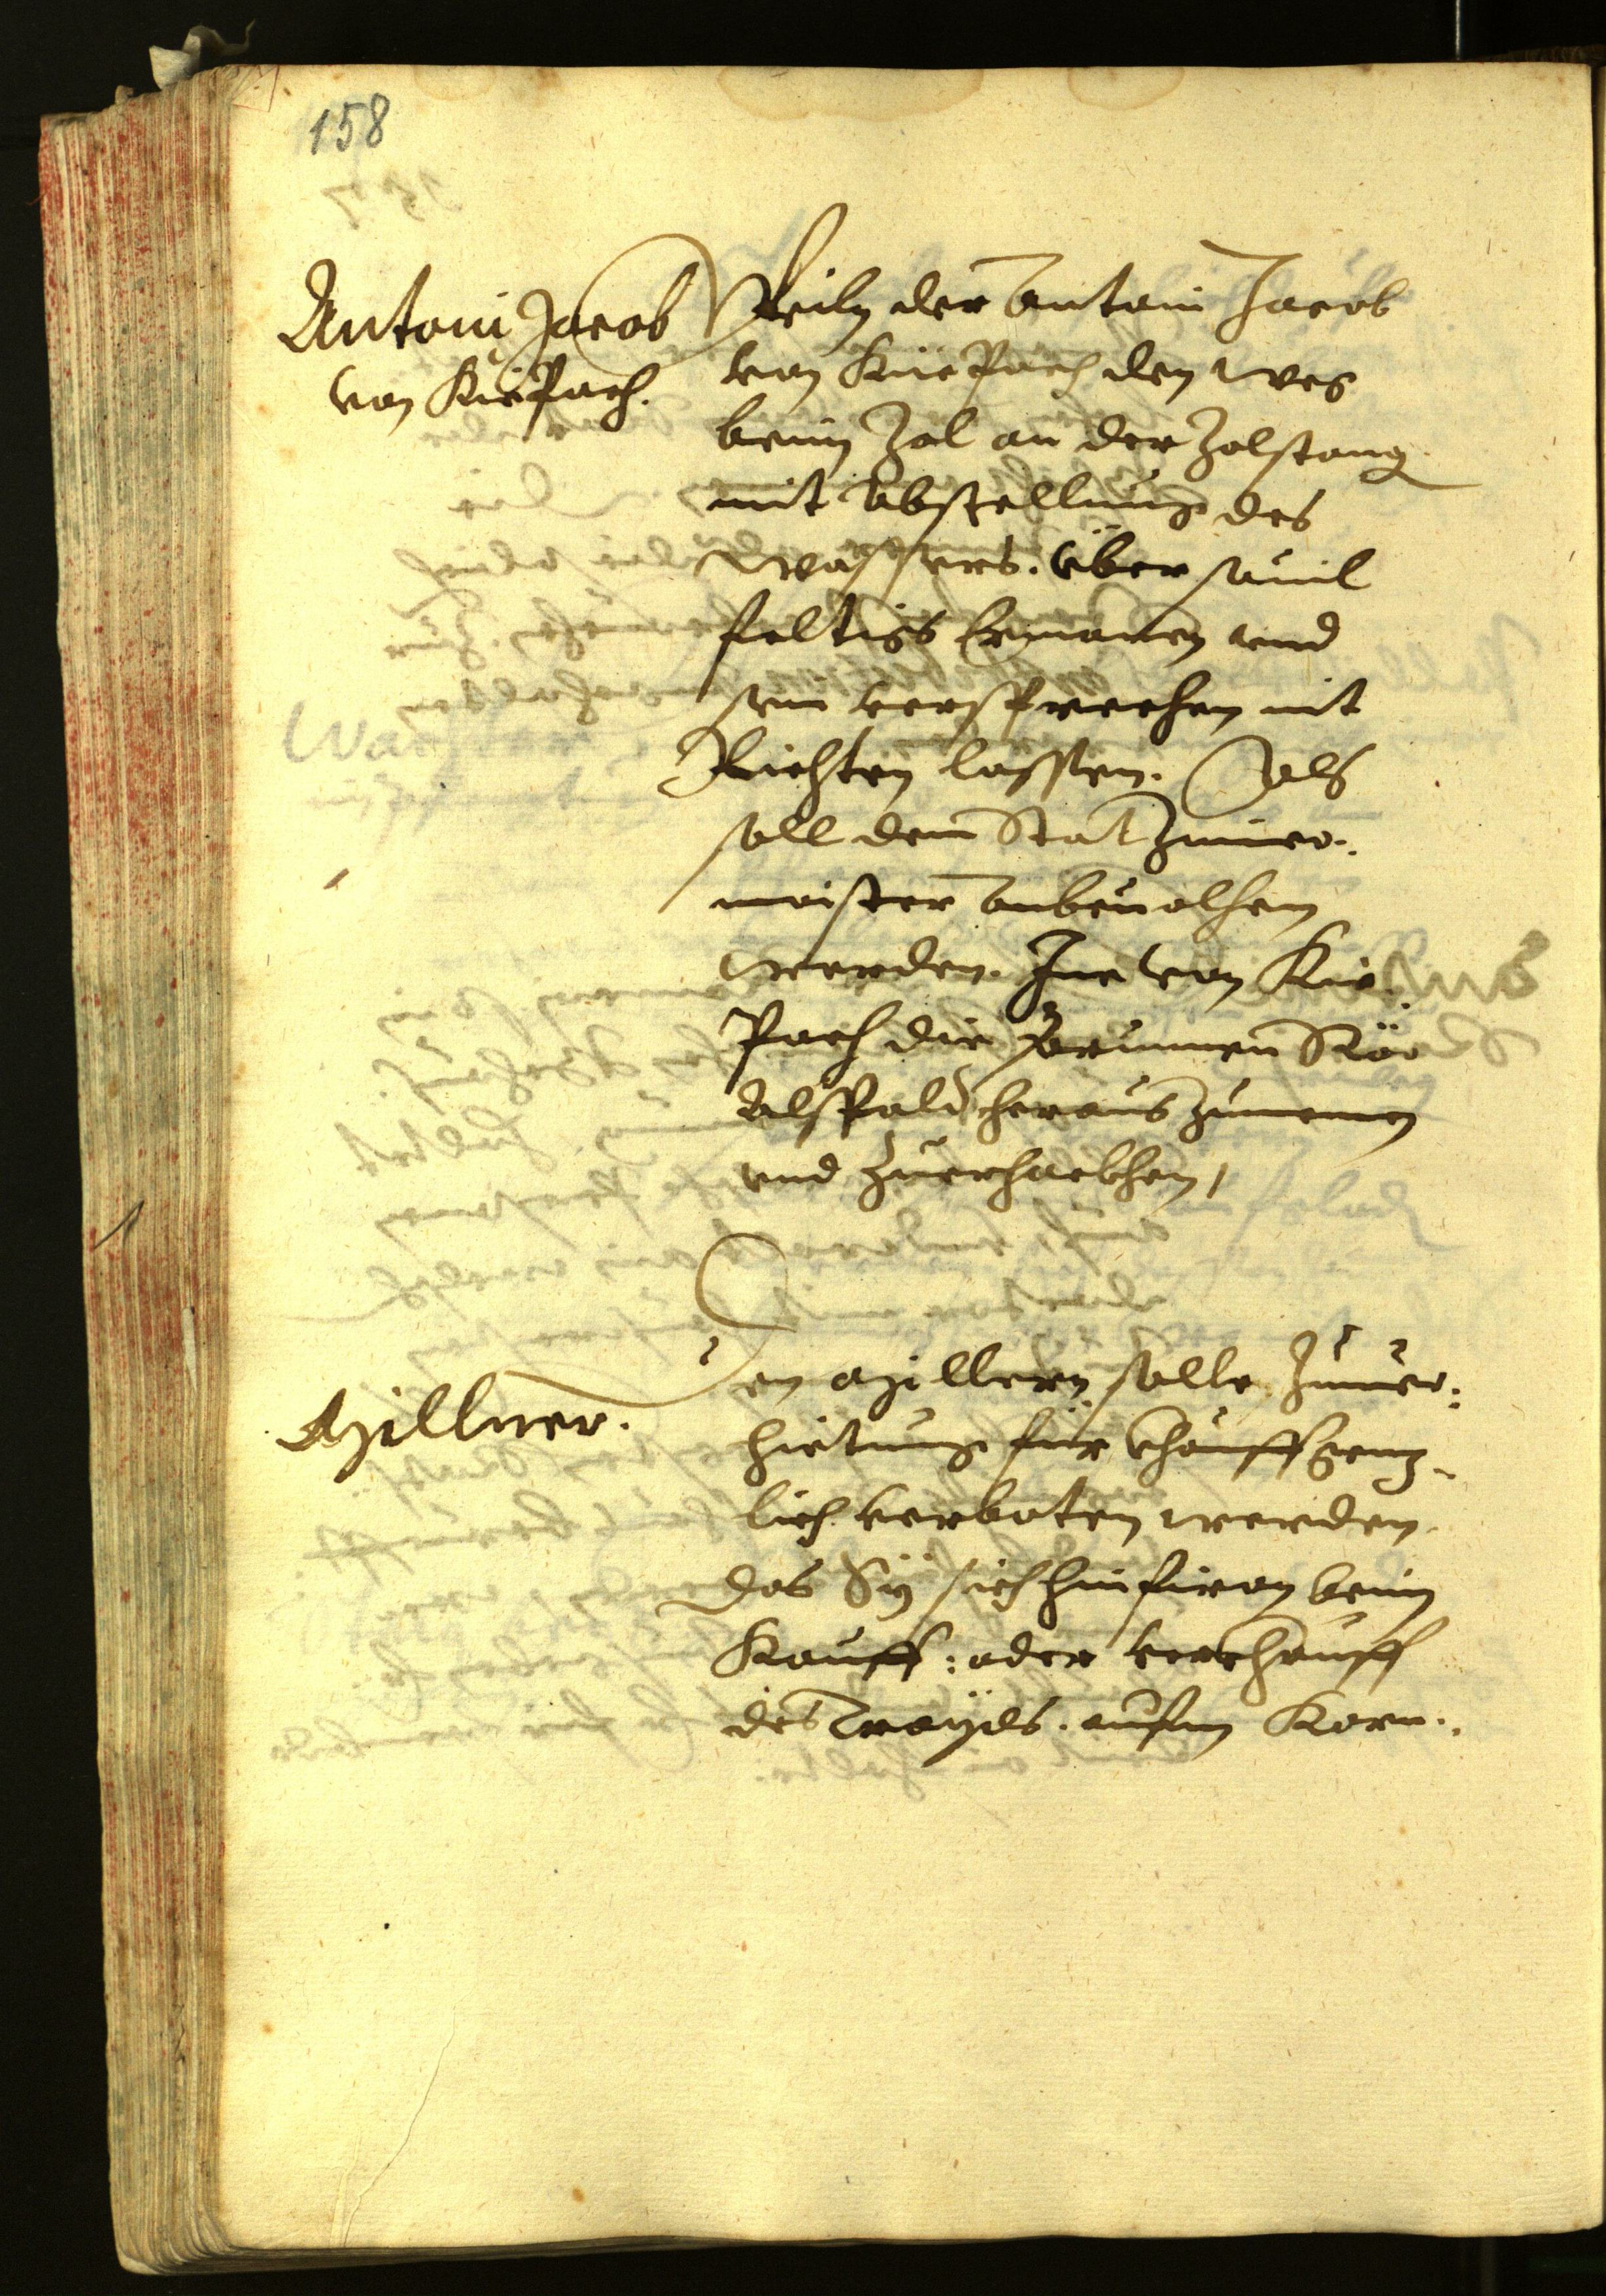158
Weiln der Antoni Jacob
von Küe Pach den Weg
beim Zol an der Zolstang
mit Abstellūng des
Wassers. v̈ber soūil
feltigs Ermanen vnd
sein versprechen nit
Richten lassen. Als
soll dem Stat Zimer¬
maister Anbeūolhen
werden. Ine von Kie¬
Pach die Prūnnen Rör
Alspald heraūs Zūnemen
vnd Zūerhackhen,
Antoni Jacob
von KiePach.
Den Millern solle Zūūer¬
hietūng für khaūff genz¬
lich verboten werden
das Sÿ sich hinfiern beim
Kaūff: oder verkhaūff
des Traÿds. aūfm Korn¬
Millner.